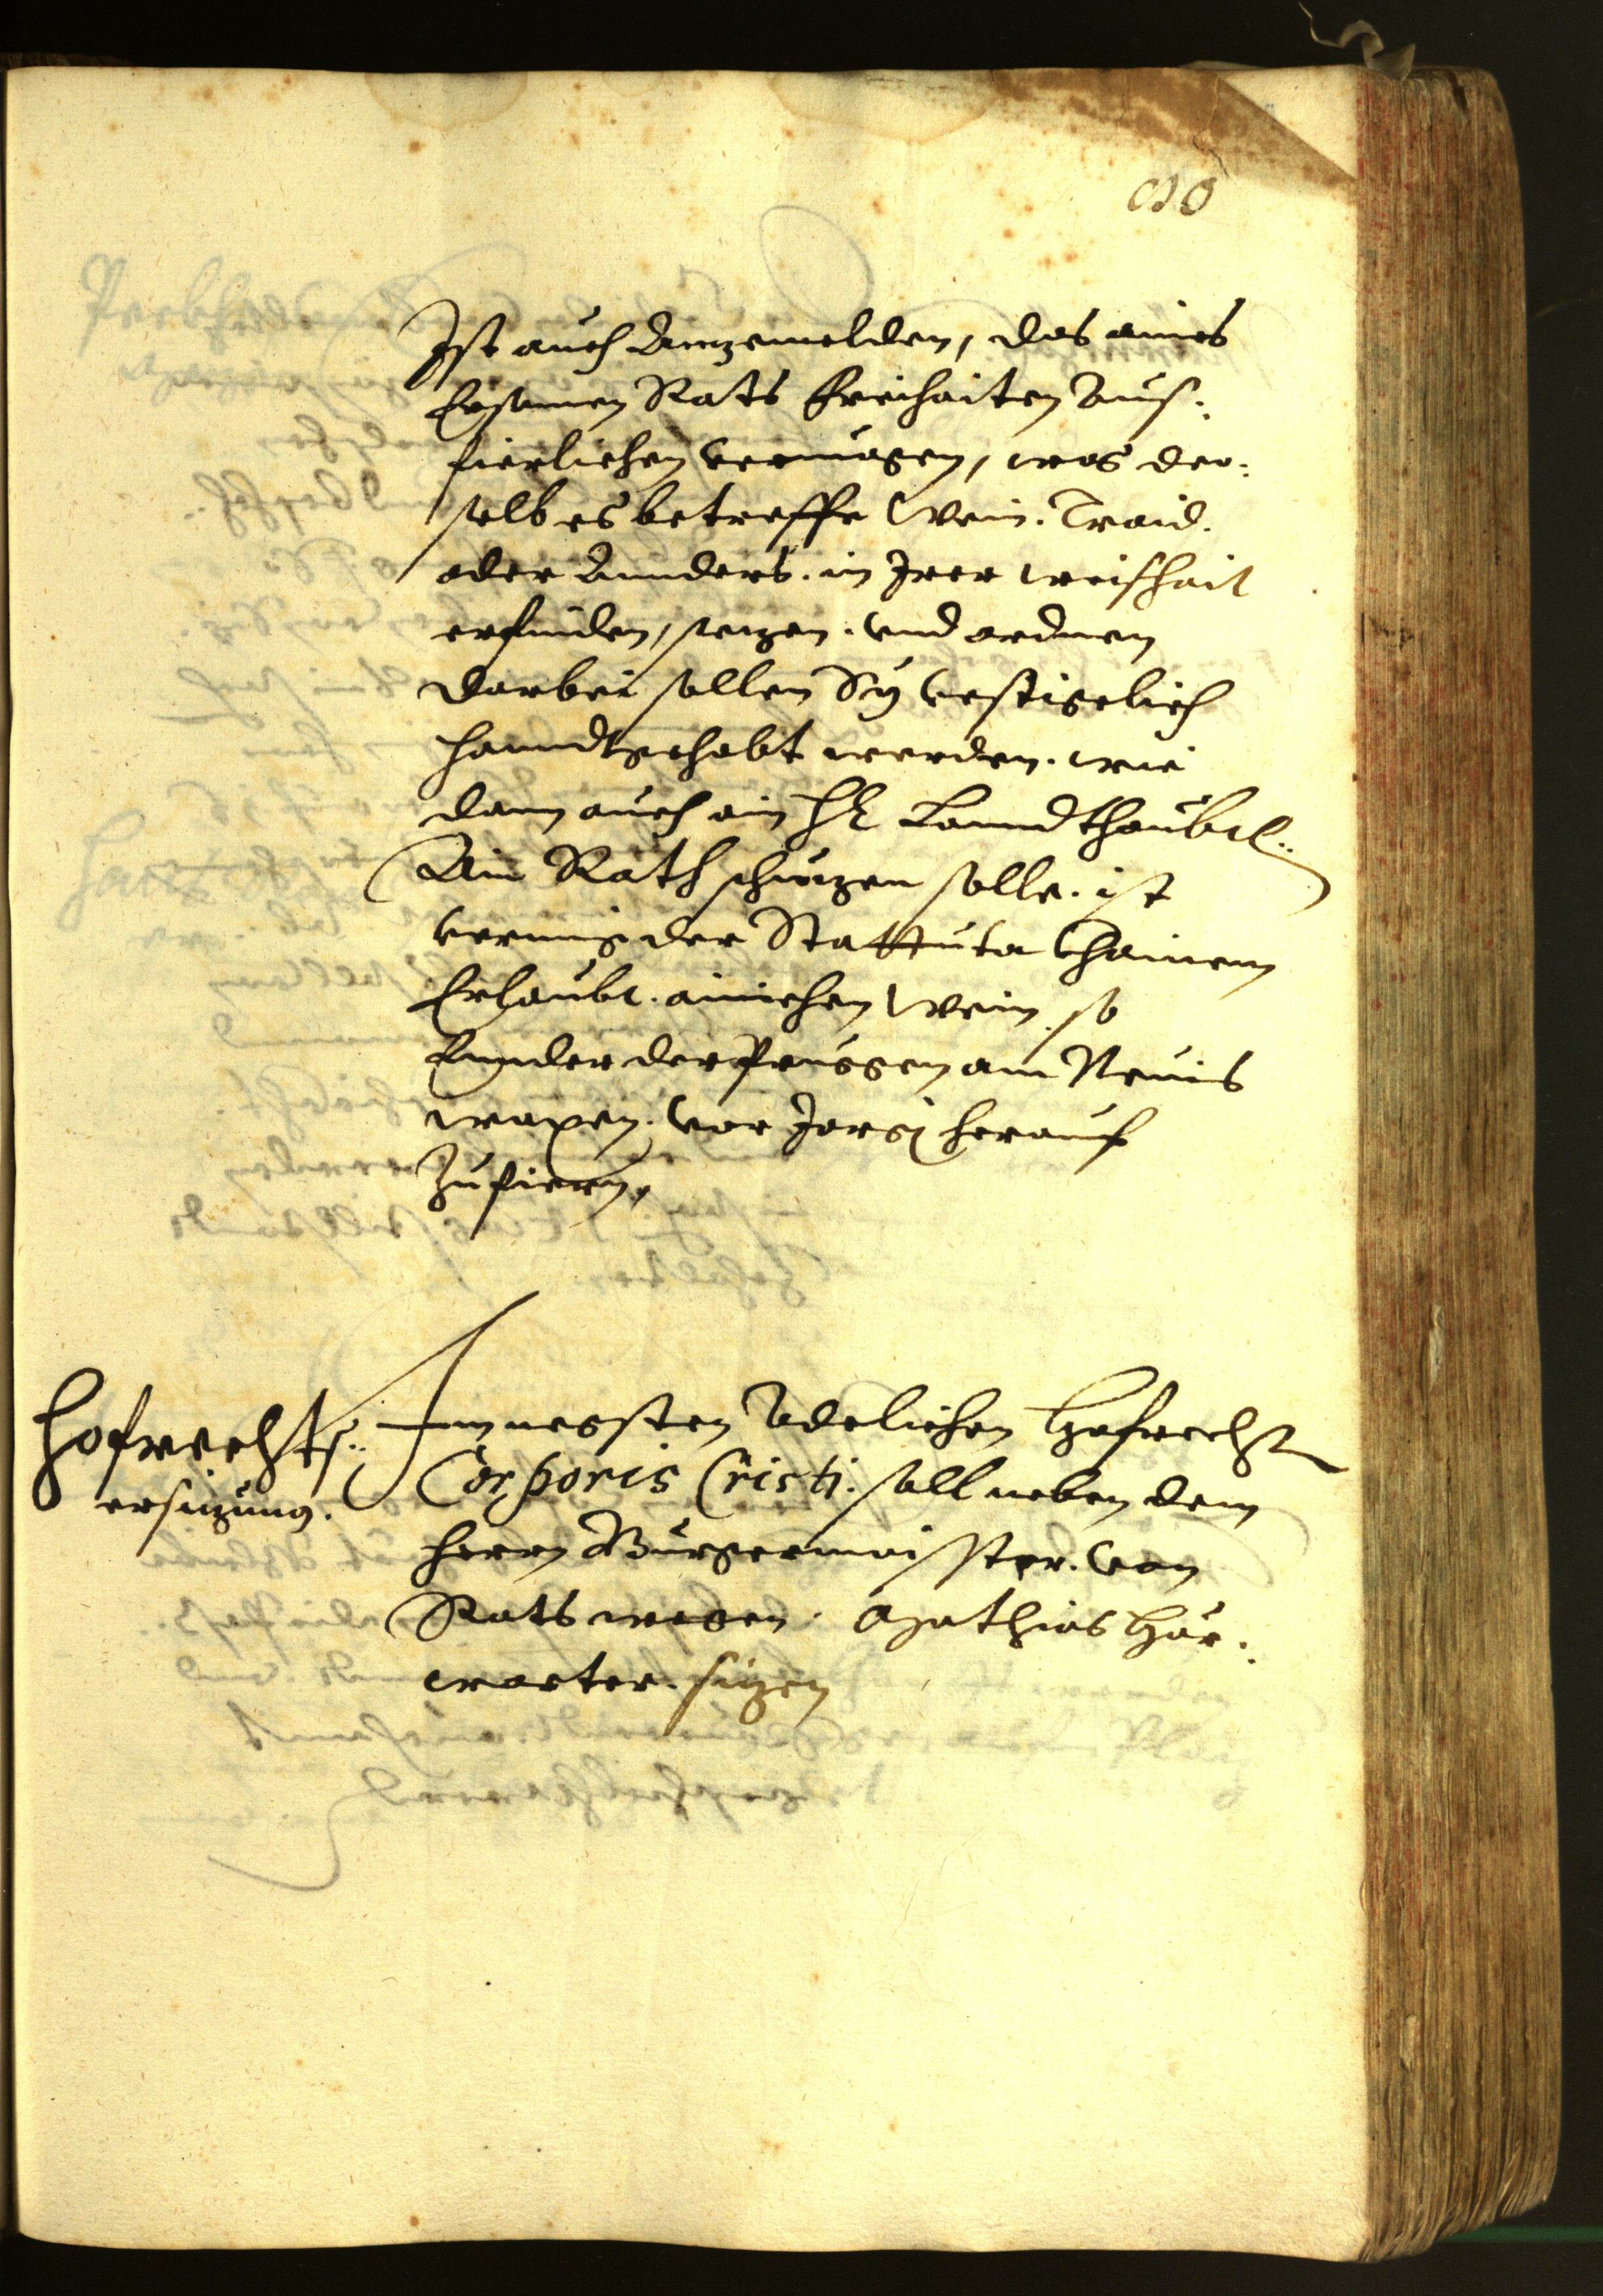80
Ist aūch Anzemelden, das aines
Ersamen Rats Freihaiten Aūs-
fierlichen vermōgen, was der¬
selb es betreffe Wein. Traid.
oder Annders. in Irer weishait
erfūnden, sezen. vnd ordnen
darbei sollen Sȳ vestigelich
hanndtgehabt werden. wie
dann aūch ain hl Lanndthaūbt:
Ain Rath schūzen solle. ist
vermig der Stattūta khainem
Erlaūbt. ainichen Wein. so
Ennder der Prūggen ain Neūis
waxen. vor Jorgj heraūf
Zū fiern,
Im negsten Adelichen Hofrecht
Corporis Cristi. soll neben dem
herrn Būrgermaisster. von
Rats wegen. Mathias Hōr¬
warter sizen
Hofrechts¬
ersizūng.